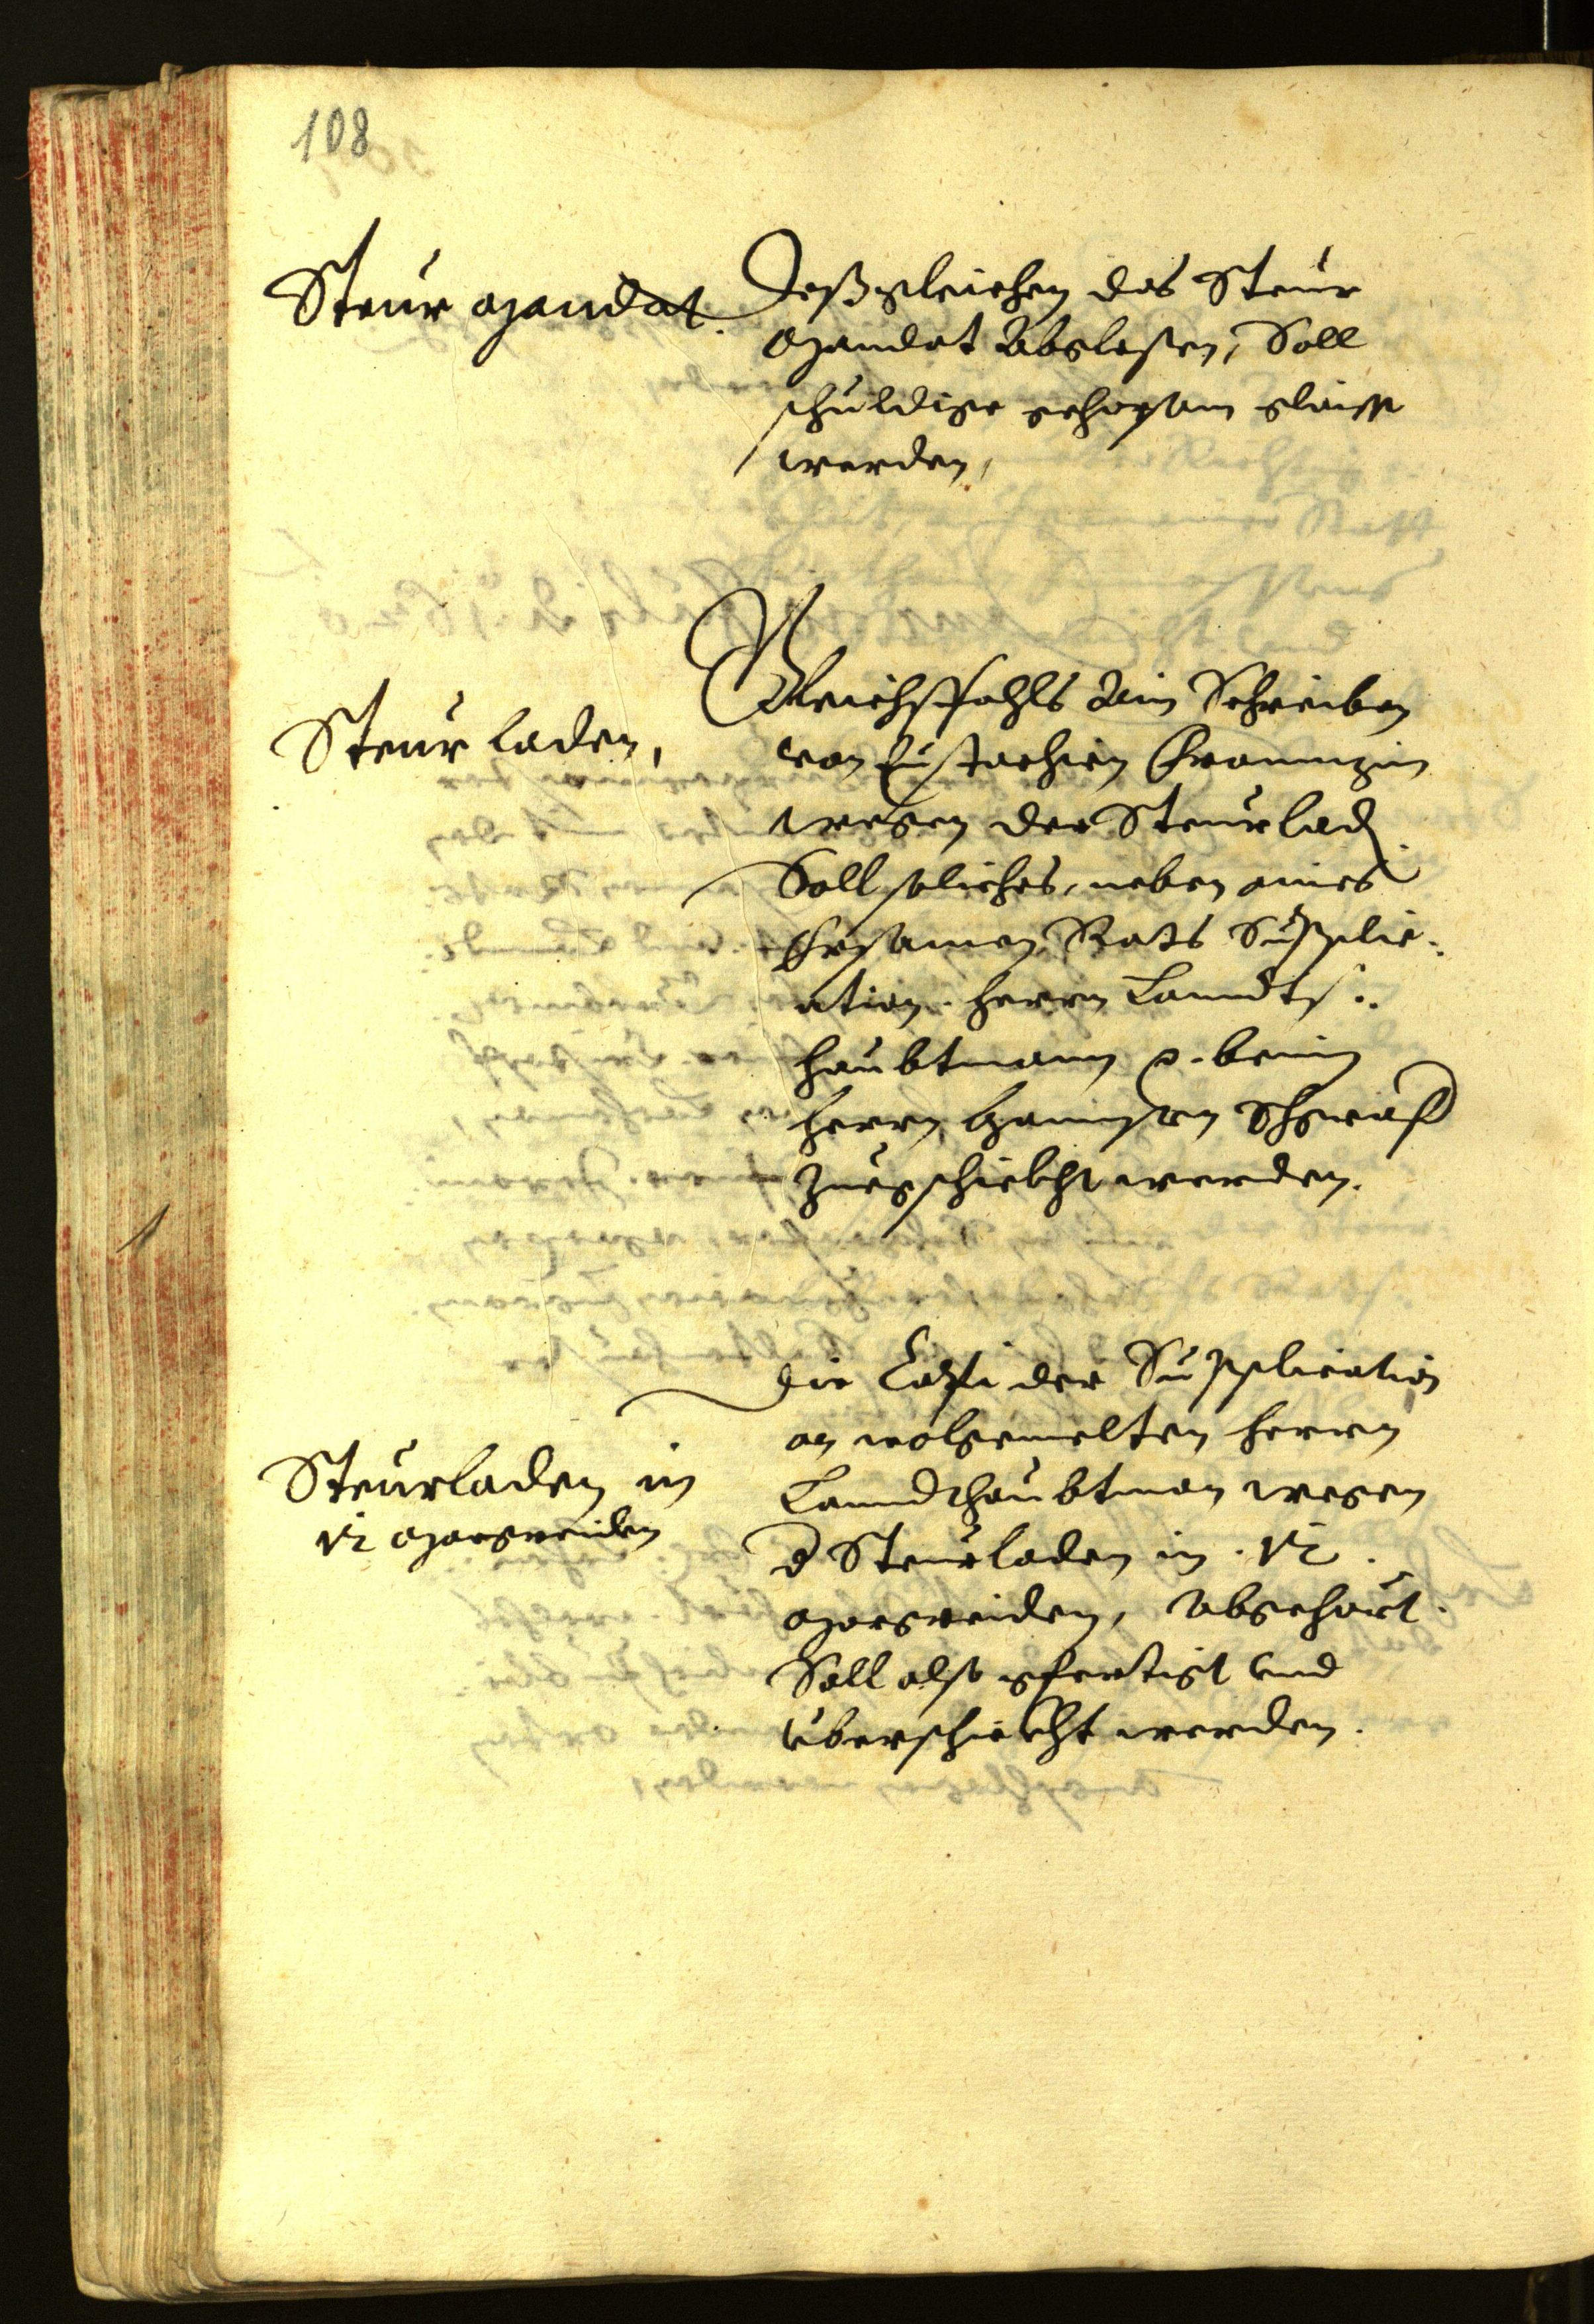108
Steūr Mandat.
Deßgleichen des Steūr
Mandat Abglesen, Soll
schūldige gehorsam glaisst
werden,
Gleichsfahls Ain Schreiben
von Eūstachen Frannzin
wegen der Steūr lad.
Soll soliches, neben aines
Ersamen Rats SūPplic¬
ation herrn Lanndts¬
haūbtmann etc. beim
herrn Hannsen Schgraf
Zūegschickht werden.
Steūr laden,
Die CoPi der Sūpplication
an wolgemelten herrn
Lanndthaūbtman wegen
d Steūrladen in .12.
Margreiden, Abgehōrt.
Soll also gfertigt vnd
v̄berschickht werden.
Steūrladen in
12 Margreiden